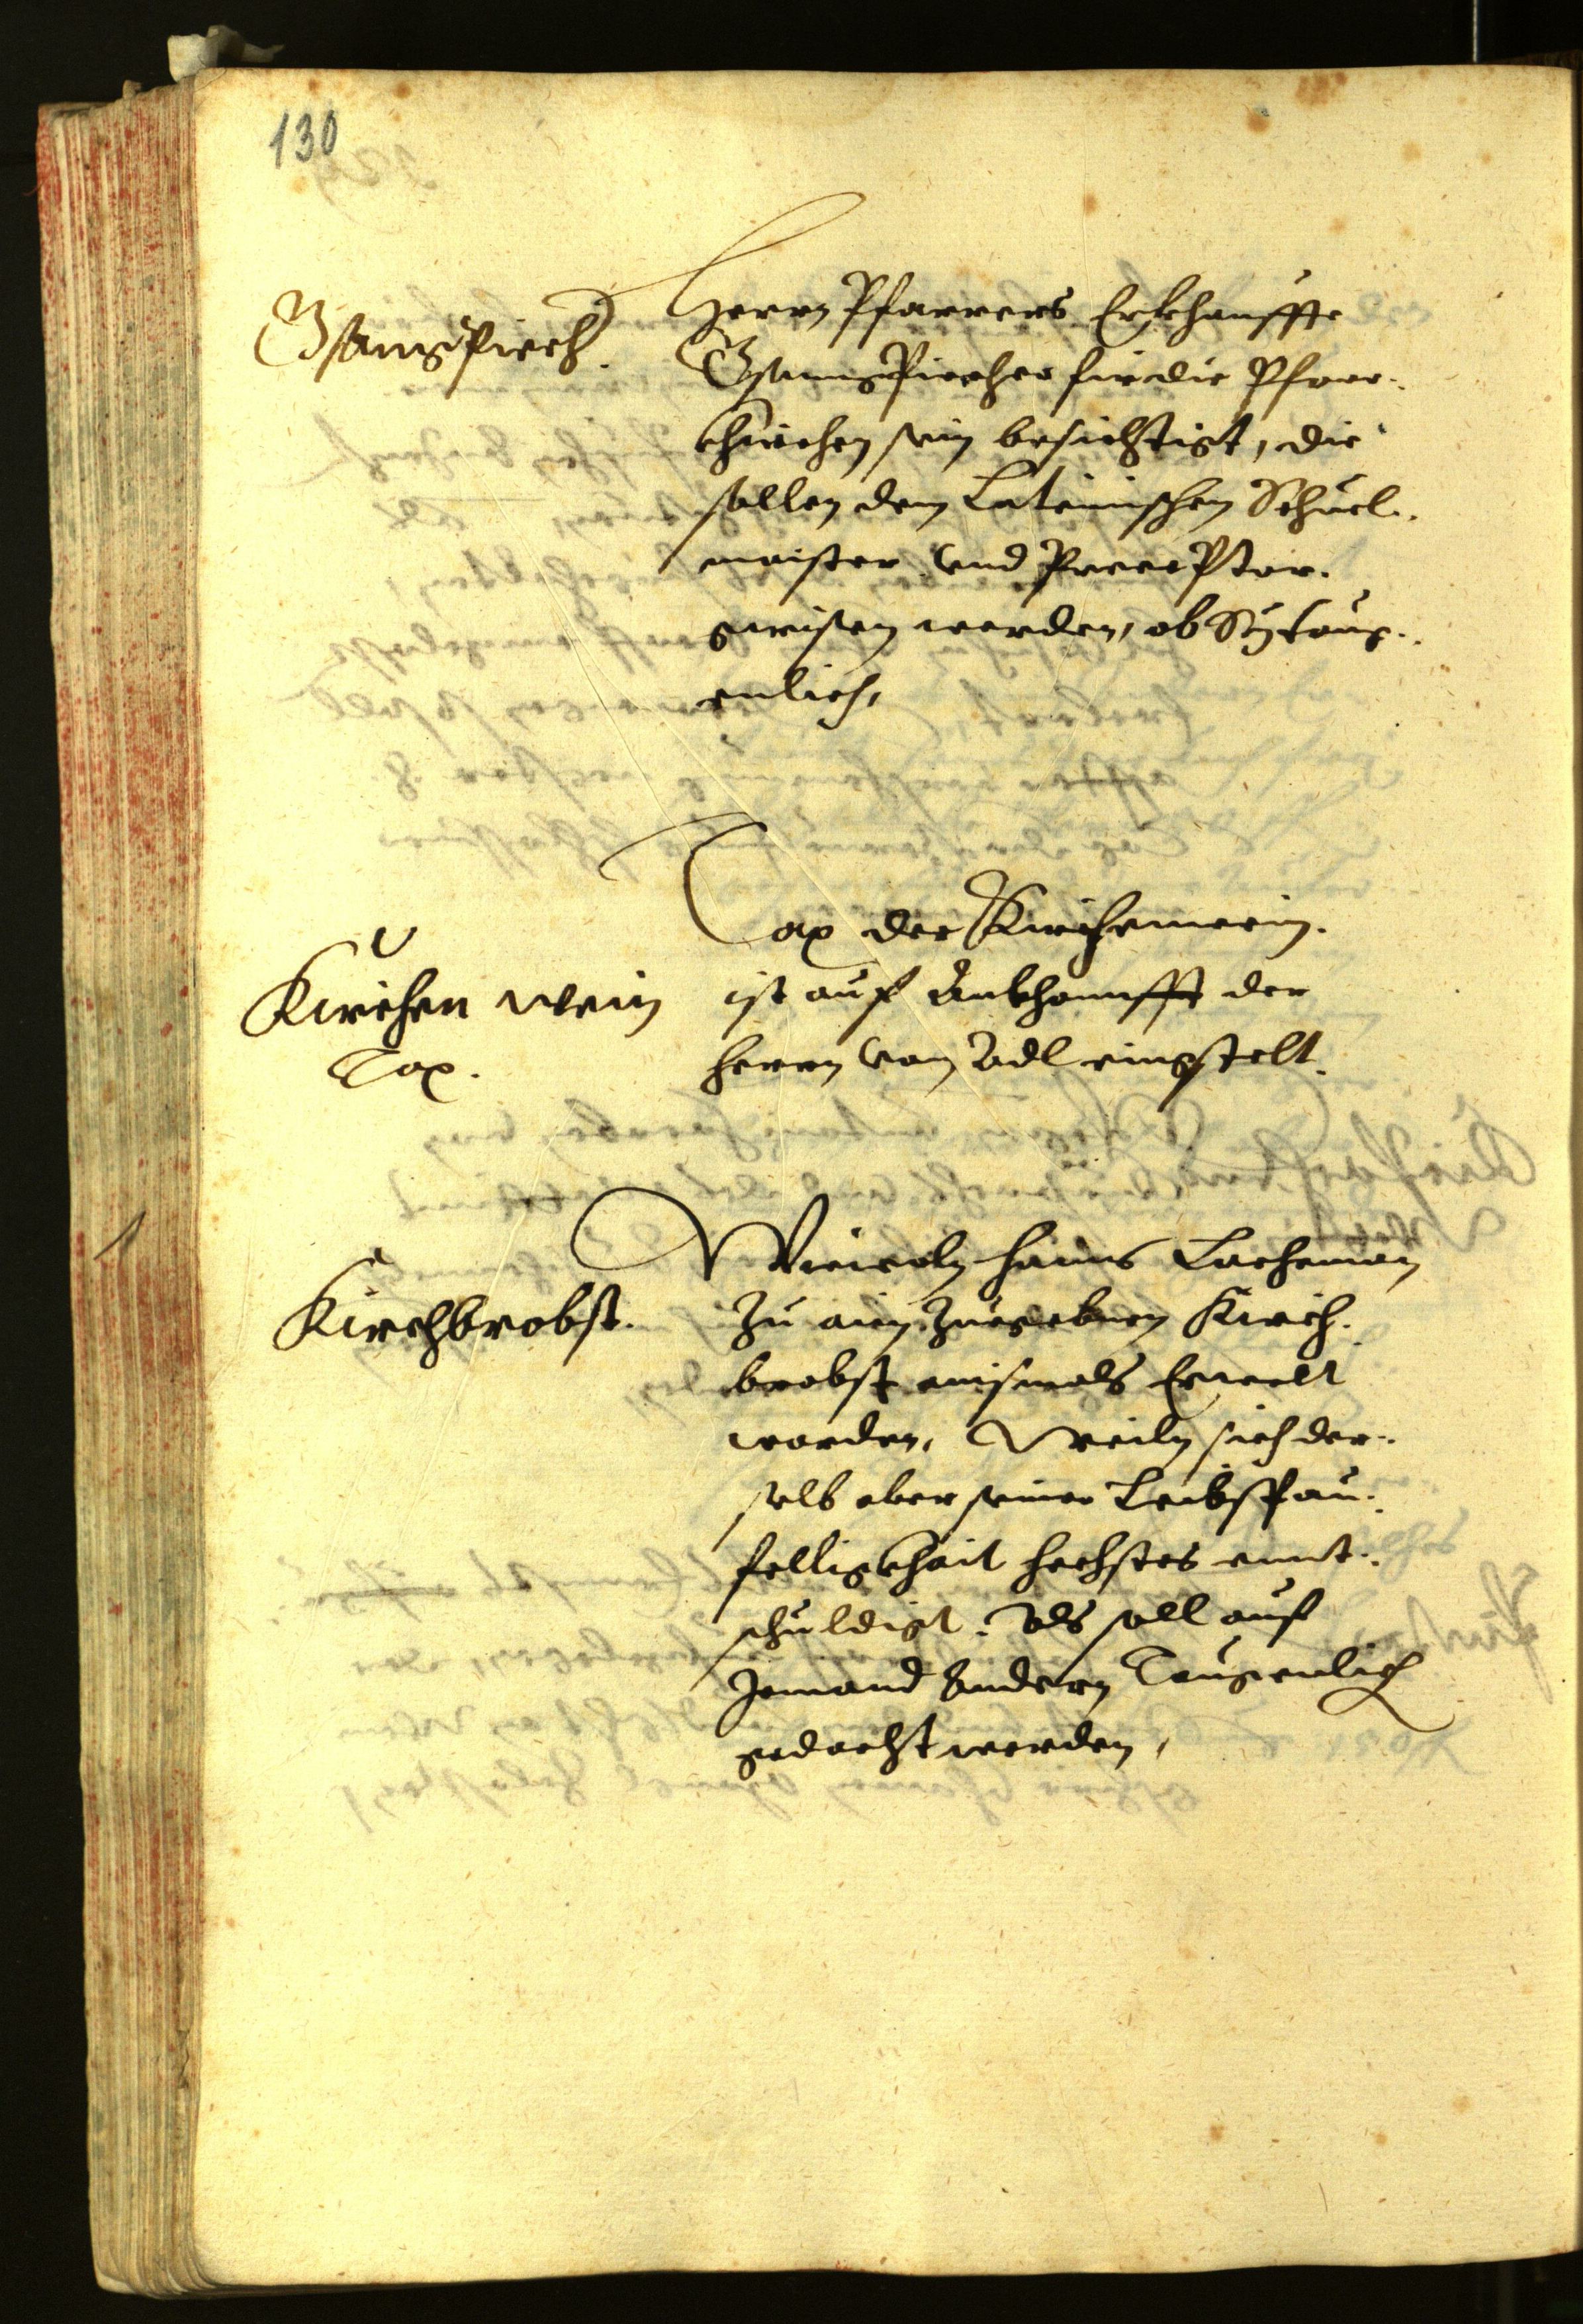130
Herrn Pfarrers Erkhaūffte
GsangPiecher fir die Pfarr-
khirchen sein besichtigt, die
sollen dem Lateinischen Schūel¬
maister vnd PrecePtor.
gwisen werden, ob Sȳ taūg¬
enlich,
GsangPiech.
Tax der Kirchenwein.
ist aūf Ankhonnft der
herrn vom Adl eingstelt.
Kirchen Wein
Tax.
Wiewoln hanns Locheman
Zū aim Zūegeben Kirch¬
brobst ainsmals Erwelt
worden. Weiln sich der¬
selb aber seiner LeibsPaū¬
felligkhait hechstes ennt¬
schūldigt. Als soll aūf
Jemand Andern Taūgenlich
gedacht werden,
Kirchbrobst.